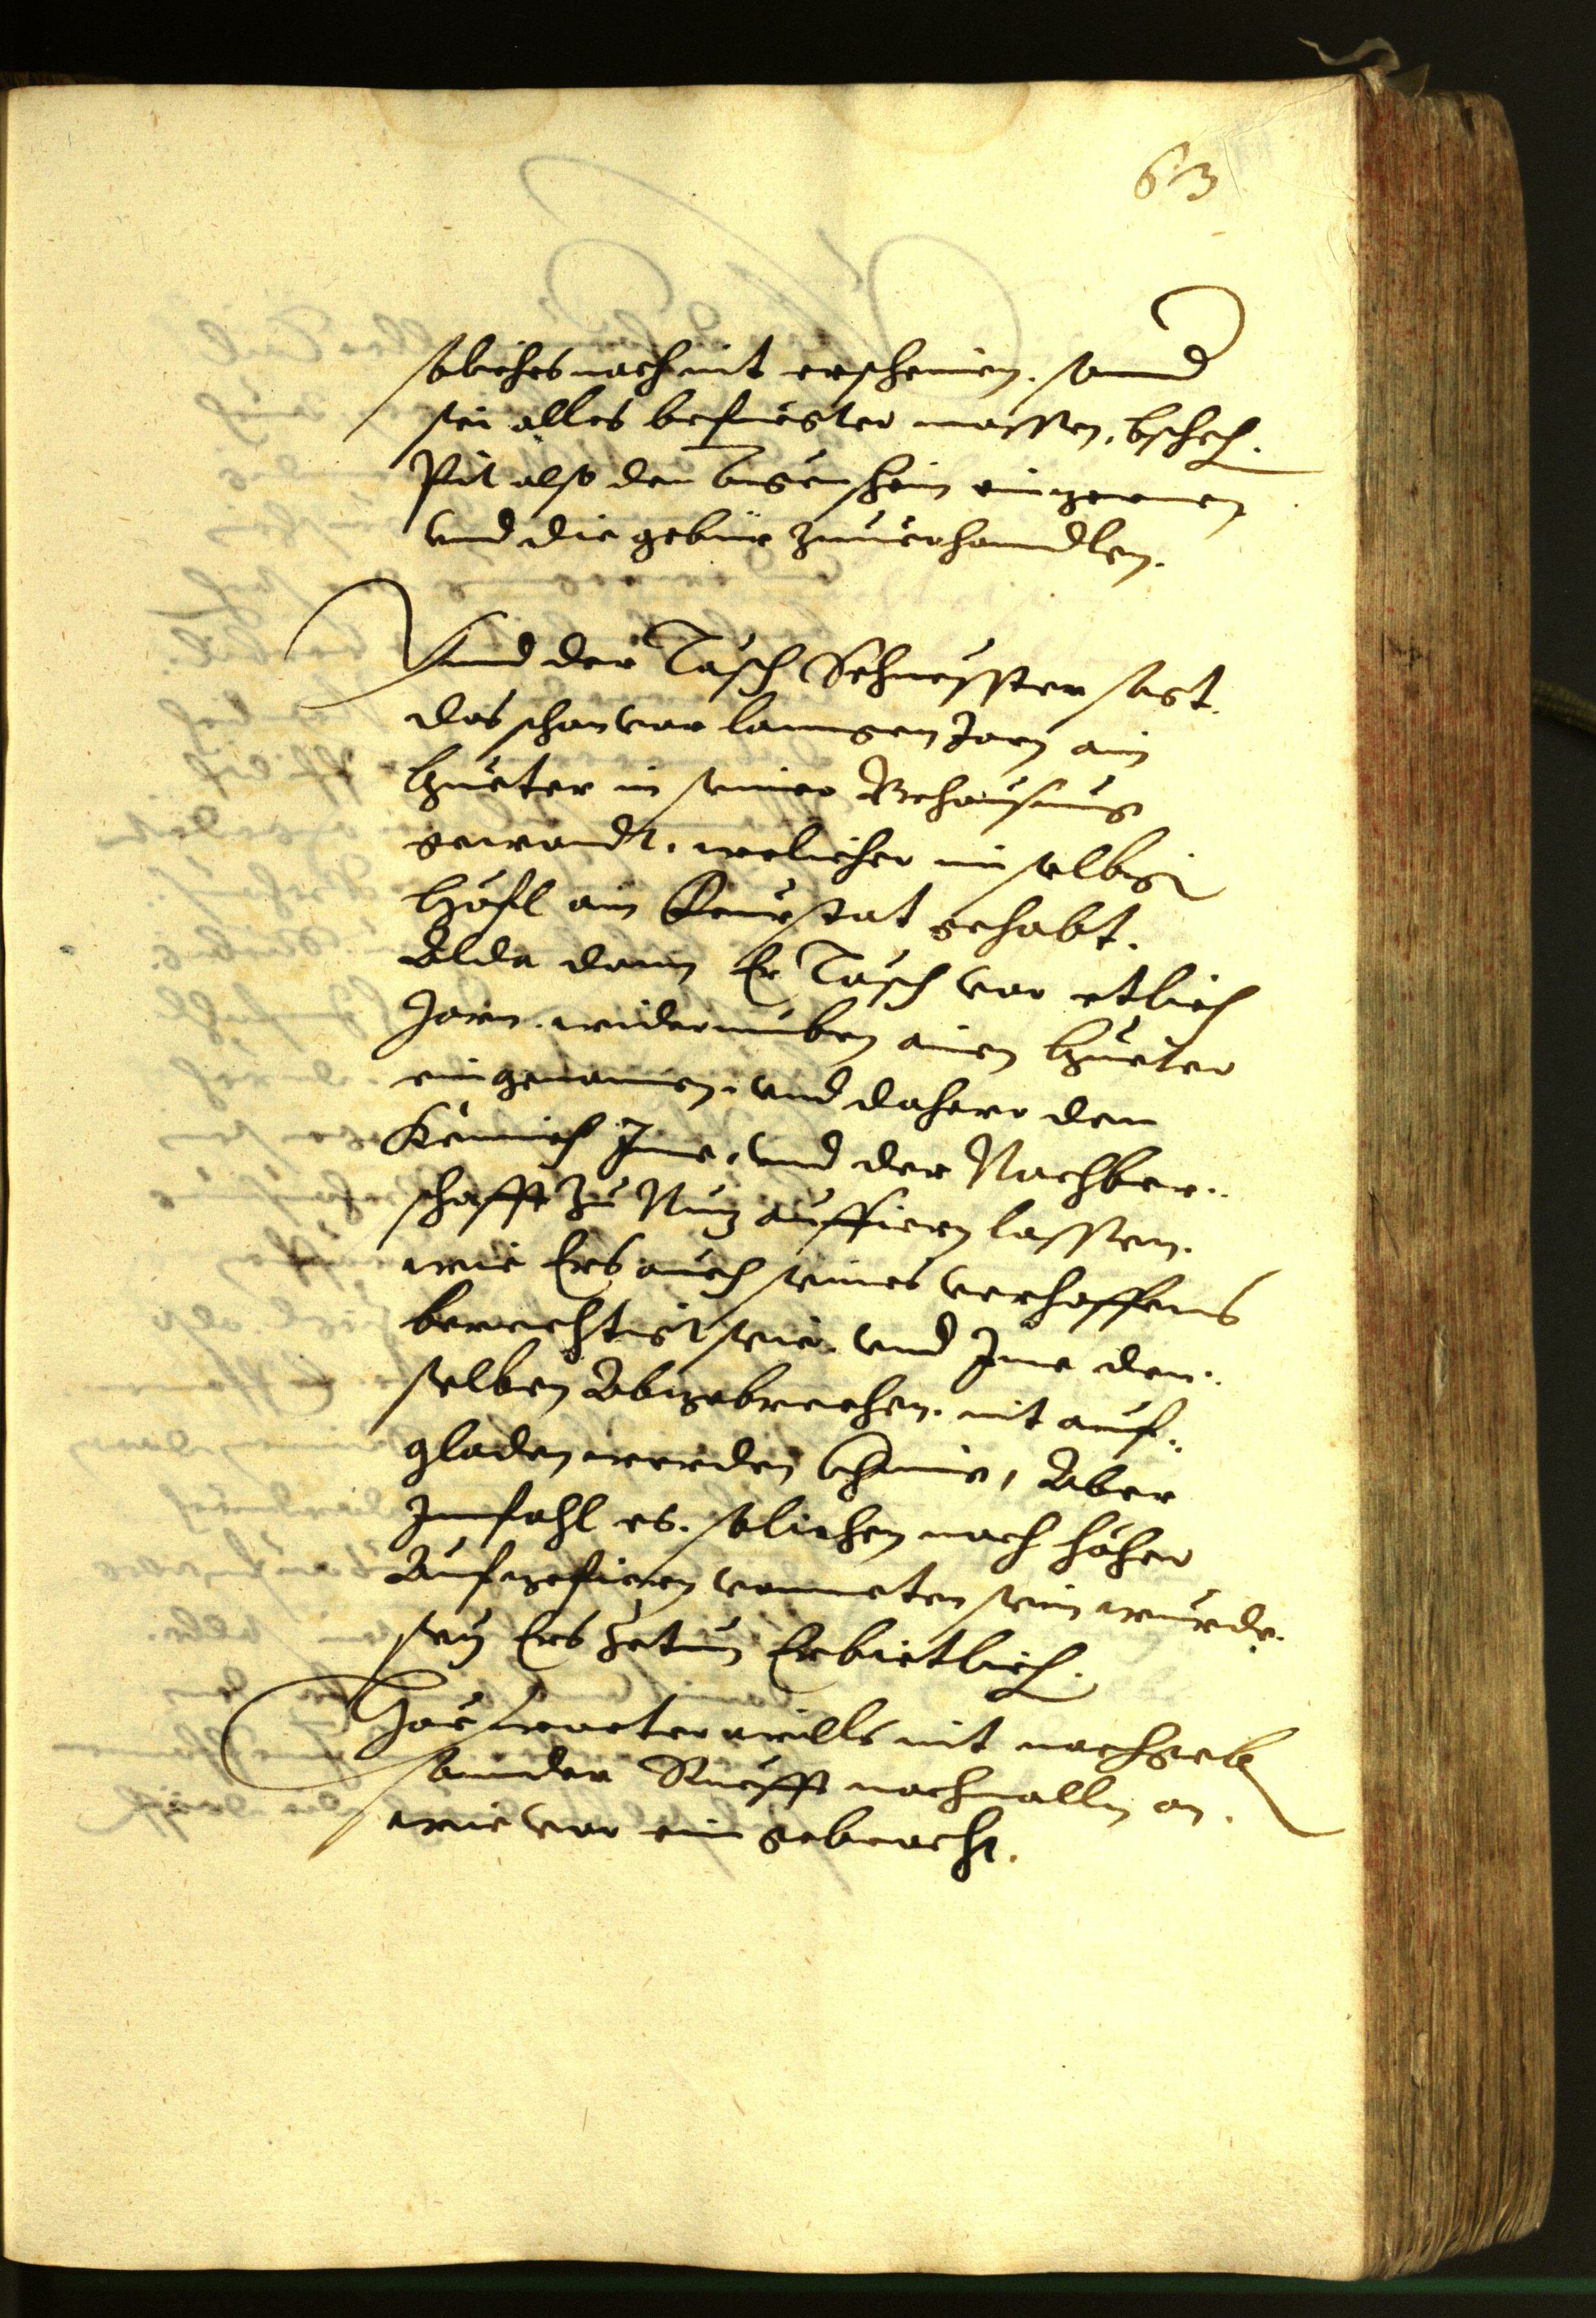63
soliches noch nit erscheinen. sonnd
sei alles befiegter massen. bscheh.
Pit also den Aūgenschein einzenemen
vnd die gebür Zuūērhanndlen.
Vnnd der Tāsch Schūesster sagt.
das schon vor lanngen Jarn ain
Hūeter in seiner Behaūsūng
gewondt. welicher im selbig
Hōfl ain Feūrstat gehabt.
Alda dann Er Tāsch vor etlich
Jarn. widerūmben ainen Hūeter
eingenommen. vnd dahero den
Kēmich Ime. vnd der Nachbar¬
schafft Zū Nūz aūffiern lassen.
wie Ers aūch seines verhoffens
berechtigt ist seie. vnd Ime den¬
selben Abzebrechen. nit aūf¬
gladen werden khinne, Aber
Innfahl es. solichen noch hōher
Aūfzefiern vonneten sein wūrde.
Seȳ Ers Zetūen Erbietlich.
Hōrwarter wills nit nachgeb
sonnder Rūefft nochmalln an.
wie vor ein gebracht.